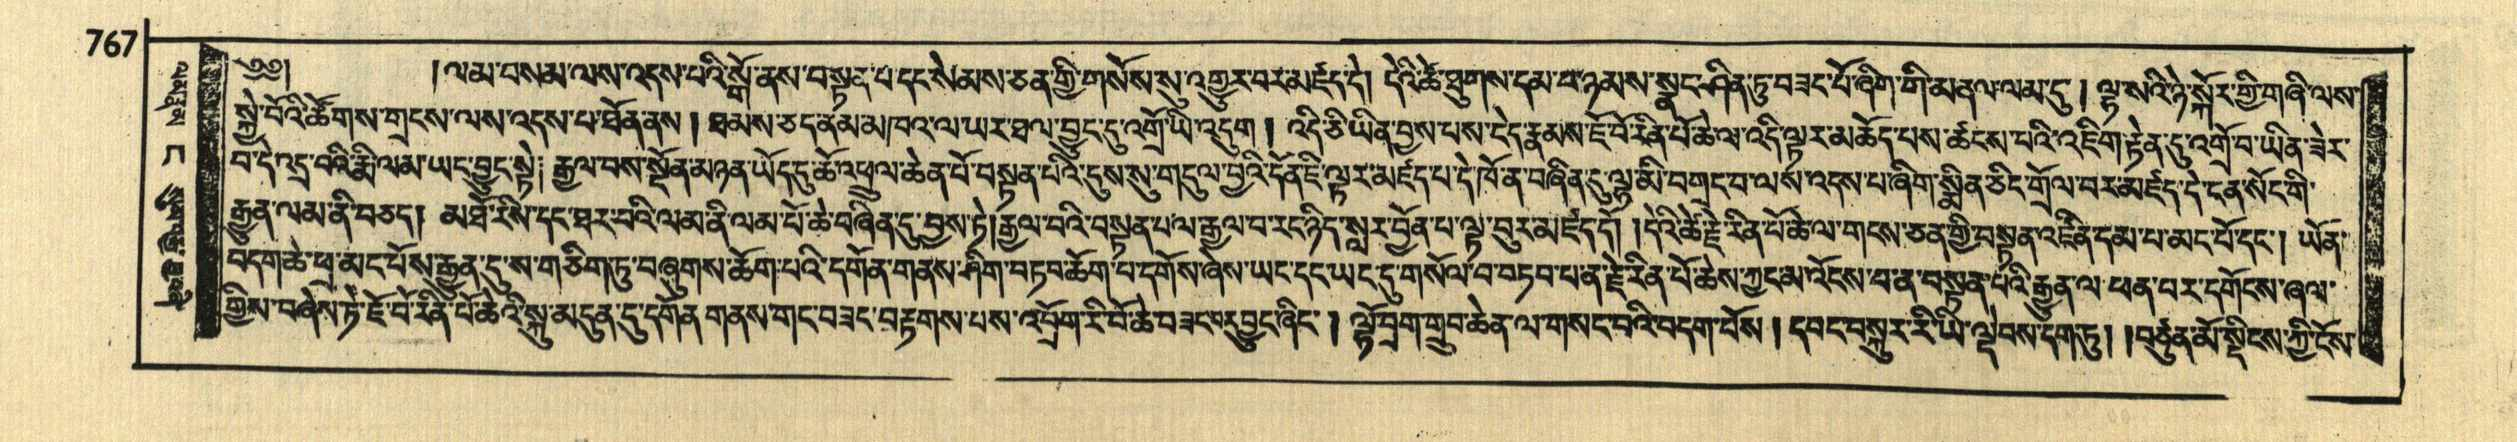༄༅། །ལམ་བསམ་ལས་འདས་པའི་སྒོ་ནས་བསྟན་པ་དང་སེམས་ཅན་གྱི་གསོས་སུ་འགྱུར་བར་མཛད་དེ། དེའི་ཚེ་ཐུགས་དམ་བ་ཉམས་སྣང་ཤིན་ཏུ་བཟང་པོ་ཞིག་གི་མནལ་ལམ་དུ། ལྷ་སའི་ཉེ་སྐོར་གྱི་གཞི་ལས་
སྐྱེ་བོའི་ཚོགས་གྲངས་ལས་འདས་པ་ཐོན་ནས། ཐམས་ཅད་ནམ་མཁའ་ལ་ཡར་ཐལ་བྱུང་དུ་འགྲོ་ཡི་འདུག། འདི་ཅི་ཡིན་བྱས་པས་ངེད་རྣམས་ཇོ་བོ་རིན་པོ་ཆེ་ལ་འདི་ལྟར་མཆོད་པས་ཚངས་པའི་འཇིག་རྟེན་དུ་འགྲོ་བ་ཡིན་ཟེར་
བ་དེ་འདྲ་བའི་རྨི་ལམ་ཡང་བྱུང་སྟེ། རྒྱལ་བས་སྔོན་མཉན་ཡོད་དུ་ཆོ་འཕྲུལ་ཆེན་པོ་བསྟན་པའི་དུས་སུ་གདུལ་བྱའི་དོན་ཇི་ལྟར་མཛད་པ་དེ་ཁོ་ན་བཞིན་དུ་ལྷ་མི་བགྲང་བ་ལས་འདས་པ་ཞིག་སྨིན་ཅིང་གྲོལ་བར་མཛད་དེ་ངན་སོང་གི་
རྒྱུན་ལམ་ནི་བཅད། མཐོ་རིས་དང་ཐར་བའི་ལམ་ནི་ལམ་པོ་ཆེ་བཞིན་དུ་བྱས་ཏེ། རྒྱལ་བའི་བསྟན་པ་ལ་རྒྱལ་བ་རང་ཉིད་སླར་བྱོན་པ་ལྟ་བུར་མཛད་དོ། །དེའི་ཚེ་རྗེ་རིན་པོ་ཆེ་ལ་གངས་ཅན་གྱི་བསྟན་འཛིན་དམ་པ་མང་པོ་དང་། ཡོན་
བདག་ཆེ་ཕྲ་མང་པོས་རྒྱུན་དུ་ས་གཅིག་ཏུ་བཞུགས་ཆོག་པའི་དགོན་གནས་ཤིག་བཏབ་ཆོག་པ་དགོས་ཞེས་ཡང་དང་ཡང་དུ་གསོལ་བ་བཏབ་པ་ན་རྗེ་རིན་པོ་ཆེས་ཀྱང་མ་འོངས་པ་ན་བསྟན་པའི་རྒྱུན་ལ་ཕན་པར་དགོངས་ཞལ་
གྱིས་བཞེས་ཏེ་ཇོ་བོ་རིན་པོ་ཆེའི་སྐུ་མདུན་དུ་དགོན་གནས་གང་བཟང་བརྟགས་པས་འབྲོག་རི་བོ་ཆེ་བཟང་བར་བྱུང་ཞིང་། ལྷོ་བྲག་གྲུབ་ཆེན་ལ་གསང་བའི་བདག་པོས། དབང་བསྐུར་རི་ཡི་ལྡེབས་དག་ཏུ། །བཙུན་མོ་སྡིངས་ཀྱི་ངོས་